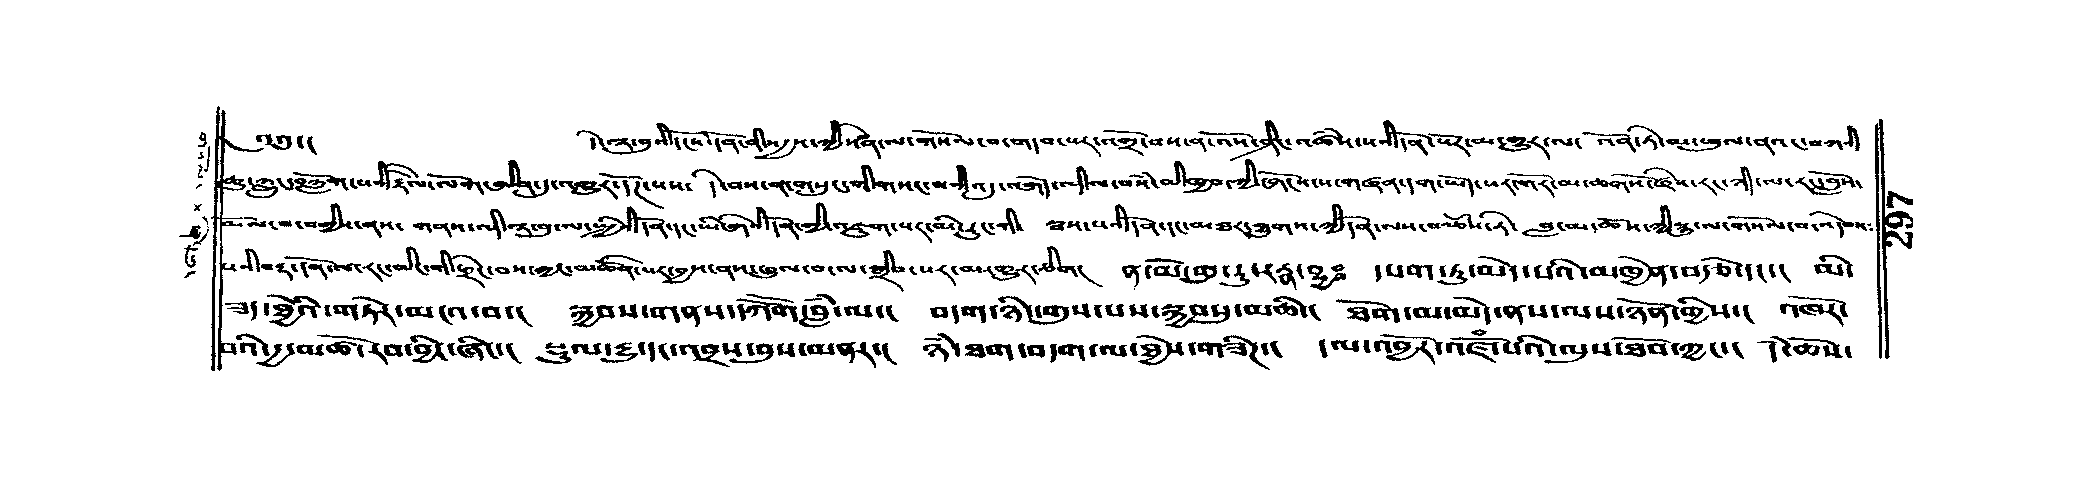དེ་ལྟ་བུའི་དངོས་དོན་ནི་སངས་རྒྱས་ཀྱི་སེམས་ཅན་ལ་གསོལ་བ་གདབ་པར་འགྲོ་བས་ན་འོས་ཤིང་འཚམས་པའི་དོན་པོར་མ་གྱུར་ལ། འོན་ཏེ་མ་ཕུལ་ནའང་བཀའི་
ཆུ་ཀླུང་བཟློག་པའི་རྟེན་འབྲེལ་ལོག་མིན་དུ་འགྱུར་དོགས་པས། དེ་བས་ན་གསུང་གི་གསང་བའི་འདུ་འགོད་འདི་ལ་བསམ་མི་ཁྱབ་ཀྱི་དགོངས་པ་གཞན་དག་ཡོད་པར་གོར་མ་ཆགས་སོ་ཞེས་རང་ཉིད་ལ་རང་བློས་
ཁེལ་བ་བགྱིས་ནས། གནས་འདི་ལྟ་བུ་ལ་སྤྱིའི་དོན་དང་ཡི་གེའི་དོན་གྱི་འཇུག་པར་མི་རུང་གི སྦས་པའི་དོན་དང་མཐར་ཐུག་གི་དོན་ལས་བརྩམས་ཏེ། བླ་མ་ཆོས་ཀྱི་སྐུ་ལ་གསོལ་བ་འདེབས་
པའི་བརྡ་དོན་ལ་རང་མིང་གི་ཕྲེང་བས་ཀྱང་མཚན་པར་བྱས་ནས་འཕུལ་བ་ལ་བསྒྲིབ་པར་མ་གྱུར་ཅིག།། ན་མོ་གུ་རུ་རཏྣ་བྷྱཿ དཔག་ཏུ་མེད་པའི་མཁྱེན་བརྩེ་དང་། །མི་
ཟད་ཐུགས་རྗེའི་གཏེར་མངའ་བ། །སྐྱབས་གནས་དཀོན་མཆོག་བླ་མ་ལ། །བདག་ཉིད་གུས་པས་སྐྱབས་སུ་མཆི། །ཐོག་མ་མེད་ནས་ལས་ཉོན་གྱིས། །འཁོར་
བའི་རྒྱ་མཚོར་རབ་བྱིང་ཞིང་། །སྡུག་བསྔལ་རྒྱུ་དང་འབྲས་བུས་མནར། །ཉམ་ཐག་བདག་ལ་ཐུགས་རྗེས་གཟིགས། །དལ་འབྱོར་འཛོམ་པའི་ལུས་ཐོབ་ཀྱང་། །དམ་ཆོས་